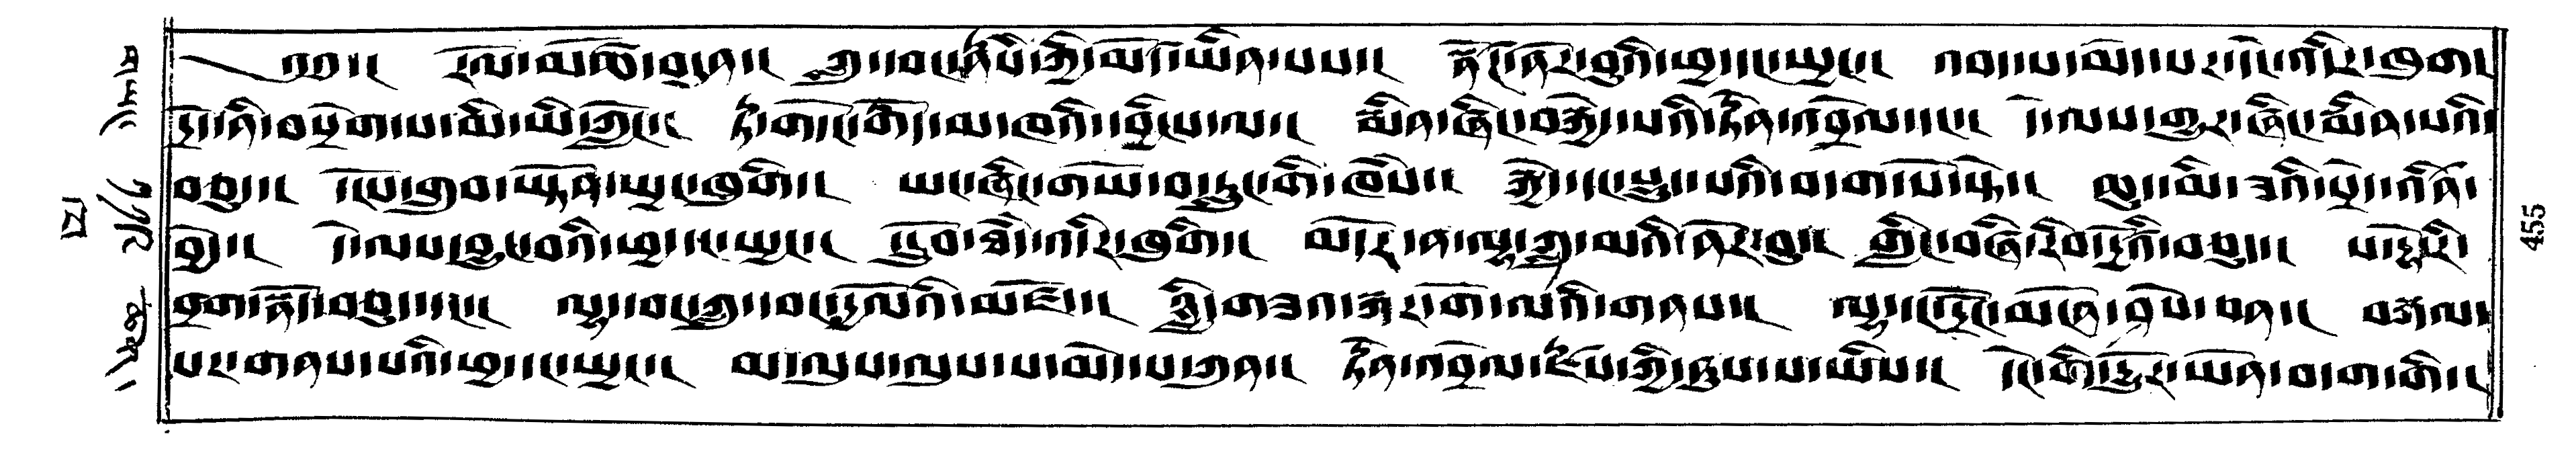རོལ་མཚོ་བདུན། །ཀླུ་དབང་རྣམས་ཀྱི་མཛོད་ཡིན་པས། །སྣ་ཚོགས་ནོར་བུའི་ཕྱ་དང་གཡང་། །འབད་པ་མེད་པར་དེང་འདིར་ཁུག། །
དྲོད་ནི་སྲེག་པ་མེ་ཡི་ཀློང་། །རྟ་གདོང་རྒོད་མ་ཁའི་དབྱིངས་ལ། །སྨིན་ཞིང་སྐྱེད་པའི་རྟེན་འབྲེལ་དང་། །དེ་ལས་བྱུང་ཞིང་སྨིན་པའི་
བཅུད། །དངོས་གྲུབ་ཡོན་ཏན་གཡང་ཁུག་ཅིག །ཡང་ཞིང་གཡོ་བ་རླུང་གི་ཁམས། །སྐྱེད་དང་སྡུད་པའི་བདག་པོ་སྟེ། །ཆུད་མི་ཟ་བའི་སྲོད་འཛིན་
བྱེད། །དེ་ལས་བྱུང་བའི་ཕྱྭ་དང་གཡང་། །དངོས་གྲུབ་ཐམས་ཅད་འདིར་ཁུག་ཅིག །མདོར་ན་ལྷ་ཀླུ་མིའི་ནོར་བུ། །གླིང་བཞི་རི་རབ་རྒྱ་མཚོའི་བཅུད། །ས་རྡོ་རི་
བྲག་སྣོད་བཅུད་དང་། །ལྷ་དབང་ཀླུ་དབང་རྒྱལ་པོའི་མཛོད། །ཉི་ཟླ་གཟའ་སྐར་གོ་ལའི་གནས། །ལྷ་དང་དྲང་སྲོང་མངོན་ཤེས་ཅན། །བསྐལ་
པར་གནས་པའི་ཕྱྭ་དང་གཡང་། །མ་ལུས་ལུས་པ་མེད་པ་ཀུན། །རྟེན་འབྲེལ་རྫས་ཀྱི་ནུས་པ་ཡིས། །དེང་གི་རྒྱུ་སྦྱོར་ཡོན་བདག་གི། །